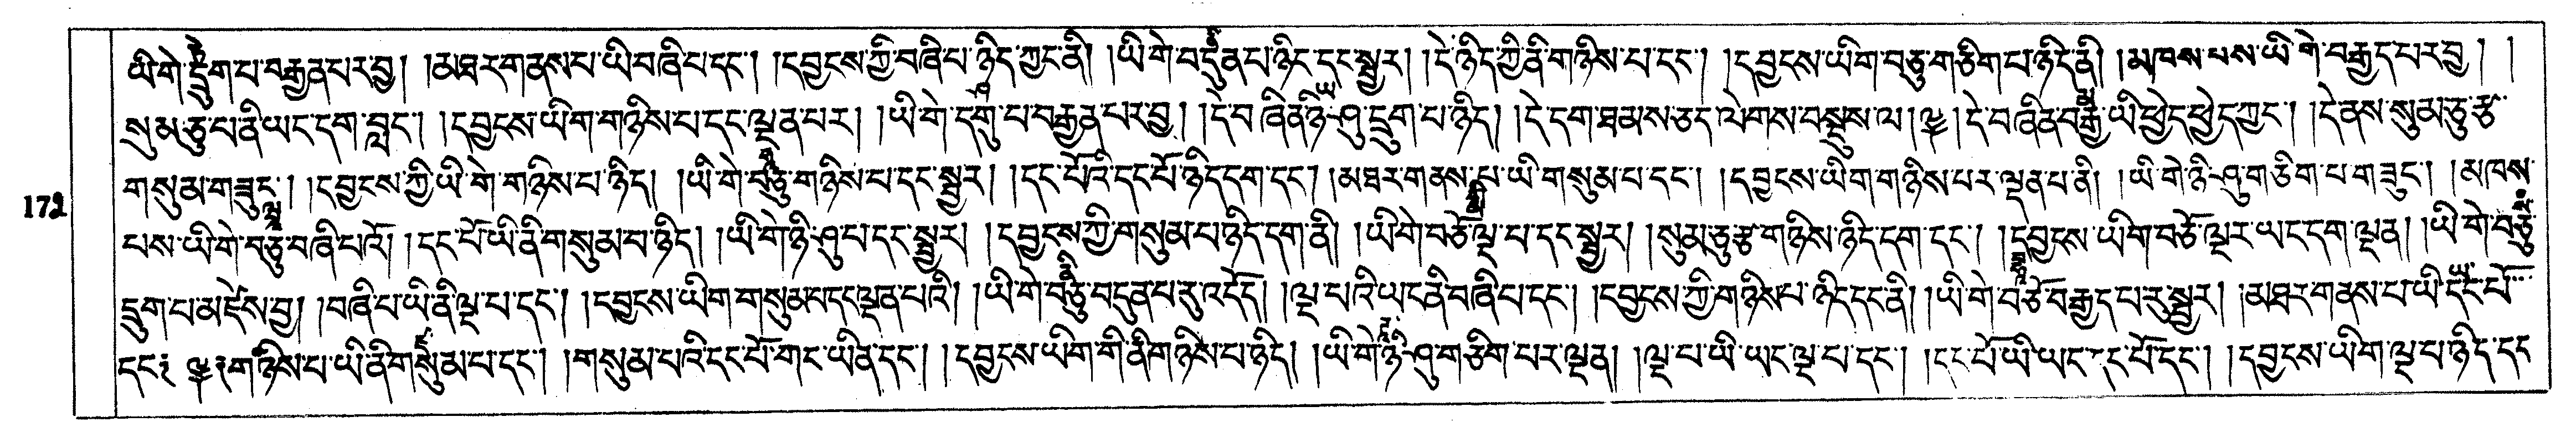ཡི་གེ་ཏེ་དྲུག་པ་བརྒྱན་པར་བྱ། །མཐར་གནས་པ་ཡི་བཞི་པ་དང་། །དབྱངས་ཀྱི་བཞི་པ་ཉིད་ཀྱང་ནི། །ཡི་གེ་ནི་བདུན་པ་ཉིད་དང་སྦྱར། །དེ་ཉིད་ཀྱི་ནི་གཉིས་པ་དང་། །དབྱངས་ཡིག་བཅུ་གཅིག་པ་ཉིད་ནི། །མཁས་པས་ཡི་གེ་བརྒྱད་པར་བྱ། །
སུམ་ཅུ་པ་ནི་ཡང་དག་བླང་། །དབྱངས་ཡིག་གཉིས་པ་དང་ལྡན་པར། །ཡི་གེ་ཤ་དགུ་པ་བརྒྱན་པར་བྱ། །དེ་བཞིན་ཡ་ཉི་ཤུ་དྲུག་པ་ཉིད། །དེ་དག་ཐམས་ཅད་ལེགས་བསྡུས་ལ། ༈ །དེ་བཞིན་མ་བརྒྱ་ཡི་ཕྱེད་ཕྱེད་ཀྱང་། །དེ་ནས་སུམ་ཅུ་རྩ་
གསུམ་གཟུང་། །དབྱངས་ཀྱི་ཡི་གེ་གཉིས་པ་ཉིད། །ཡི་གེ་ཧཱ་བཅུ་གཉིས་པ་དང་སྦྱར། །དང་པོའི་དང་པོ་ཉིད་དག་དང་། །མཐར་གནས་པ་ཡི་གསུམ་པ་དང་། །དབྱངས་ཡིག་གཉིས་པར་ལྡན་པ་ནི། །ཡི་གེ་ཉི་ཤུ་གཅིག་པ་གཟུང་། །མཁས་
པས་ཡི་གེ་ཝཱ་བཅུ་བཞི་པའོ། །དང་པོ་ཡི་ནི་གསུམ་པ་ཉིད། །ཡི་གེ་ཉི་ཤུ་པ་དང་སྦྱར། །དབྱངས་ཀྱི་གསུམ་པ་ཉིད་དག་ནི། །ཡི་གེ་བཅོ་ལྔ་པ་དང་སྦྱར། །སུམ་ཅུ་རྩ་གཉིས་ཉིད་དག་དང་། །དབྱངས་ཡིག་བཅོ་ལྔར་ཡང་དག་ལྡན། །ཡི་གེ་བཅུ་སཾ
དྲུག་པ་མཛེས་བྱ། །བཞི་པ་ཡི་ནི་ལྔ་པ་དང་། །དབྱངས་ཡིག་གསུམ་པ་དང་ལྡན་པའི། །ཡི་གེ་ནི་བཅུ་བདུན་པ་རུ་འདོད། །ལྔ་པའི་ཡང་ནི་བཞི་པ་དང་། །དབྱངས་ཀྱི་གཉིས་པ་ཉིད་དང་ནི། །ཡི་གེ་བྷཱ་བཅོ་བརྒྱད་པ་རུ་སྦྱར། །མཐར་གནས་པ་ཡི་ཡ་དང་པོ་
དང༑ ༈ ༑གཉིས་པ་ཡི་ནི་ཛ་གསུམ་པ་དང་། །གསུམ་པའི་དང་པོ་གང་ཡིན་དང་། །དབྱངས་ཡིག་གི་ནི་གཉིས་པ་ཉིད། །ཡི་གེ་དཱ་ཉི་ཤུ་གཅིག་པར་ལྡན། །ལྔ་པ་ཡི་ཡང་ལྔ་པ་དང་། །དང་པོ་ཡི་ཡང་དང་པོ་དང་། །དབྱངས་ཡིག་ལྔ་པ་ཉིད་དང་